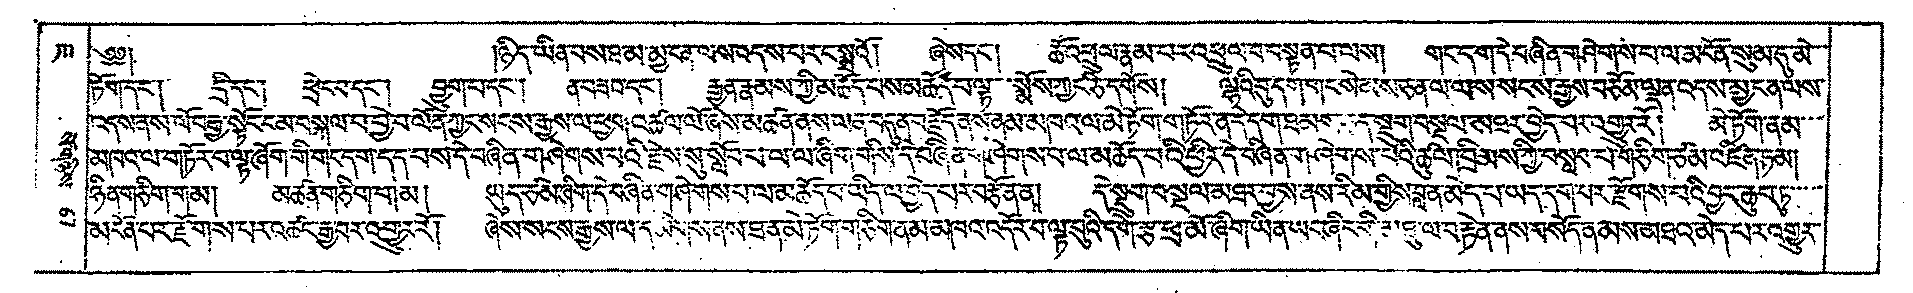༄༅། །ཉིད་ཡིན་པས་ཐ་མ་མྱ་ངན་ལས་འདས་པར་ང་སྨྲའོ། ཞེས་དང་། ཆོ་འཕྲུལ་རྣམ་པར་འཕྲུལ་བ་བསྟན་པ་ལས། གང་དག་དེ་བཞིན་གཤེགས་པ་ལ་མངོན་སུམ་དུ་མེ་
ཏོག་དང་། དྲི་དང་། ཕྲེང་བ་དང་། བྱུག་པ་དང་། ན་བཟའ་དང་། རྒྱན་རྣམས་ཀྱི་མཆོད་པ་ལྟ་སྨོས་ཀྱང་ཅི་དགོས། ལྷའི་བུ་དག་གང་སེམས་ཅན་ལ་ལས་སངས་རྒྱས་བཅོམ་ལྡན་འདས་མྱ་ངན་ལས་
འདས་ནས་ལོ་བརྒྱ་སྟོང་ངམ་བསྐལ་པ་བྱེ་བ་ལོན་ཀྱང་སངས་རྒྱས་ལ་ཕྱག་འཚལ་ལོ་ཞེས་མཚན་ནས་ལན་བདུན་བརྗོད་ནས་ནམ་མཁའ་ལ་མེ་ཏོག་གཏོར་ན་དེ་དག་ཐམས་ཅད་སྡུག་བསྔལ་མཐར་བྱེད་པར་འགྱུར་རོ། མེ་ཏོག་ནམ་
མཁའ་ལ་གཏོར་བ་ལྟ་ཞོག་གི་གང་དག་དད་པས་དེ་བཞིན་གཤེགས་པའི་རྗེས་སུ་སློབ་པ་ལ་ལ་ཞིག་གིས་དེ་བཞིན་གཤེགས་པ་ལ་མཆོད་པའི་ཕྱིར་དེ་བཞིན་གཤེགས་པའི་ཚུལ་ཁྲིམས་ཀྱི་བསླབ་པ་གཅིག་ཙམ་འཛིན་ཏམ།
ཉིན་གཅིག་གམ། མཚན་གཅིག་གམ། ཡུད་ཙམ་ཞིག་དེ་བཞིན་གཤེགས་པ་ལ་མཆོད་པ་ཡིད་ལ་བྱེད་པར་བརྩོན་ན། དེ་སྡུག་བསྔལ་མཐར་བྱས་ནས་རིམ་གྱིས་བླ་ན་མེད་པ་ཡང་དག་པར་རྫོགས་པའི་བྱང་ཆུབ་ཏུ་
མངོན་པར་རྫོགས་པར་འཚང་རྒྱ་བར་འགྱུར་རོ། ཞེས་སངས་རྒྱས་ལ་དམིགས་ནས་ཐ་ན་མེ་ཏོག་གཅིག་ནམ་མཁའ་འདོར་བ་ལྟ་བུའི་དགེ་རྩ་ཕྲ་མོ་ཞིག་ཡིན་ཡང་ཞིང་གི་མཐུ་ལ་བརྟེན་ནས་བསོད་ནམས་མཐའ་མེད་པར་འགྱུར་